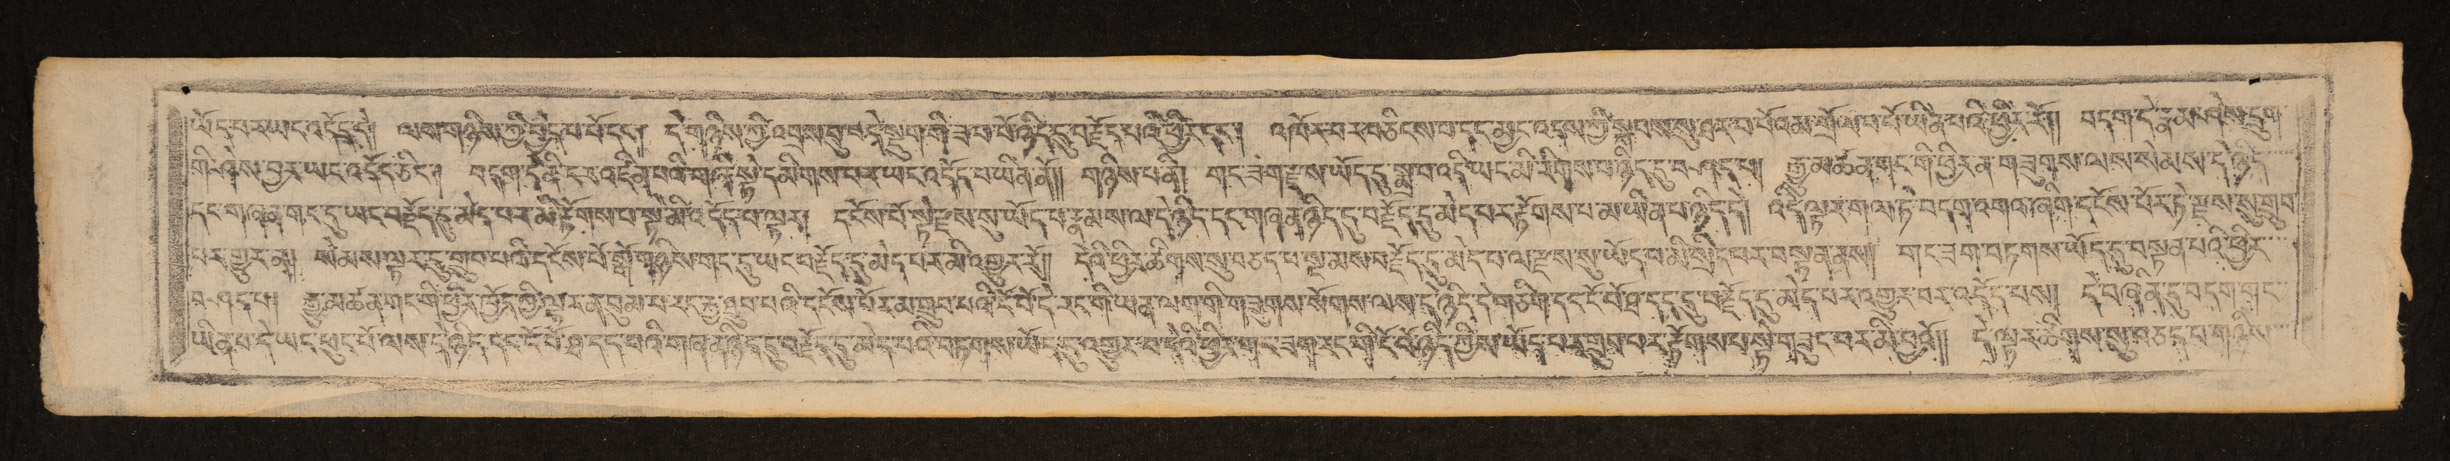ཡོད་པར་ཡང་འདོད་དེ། ལས་གཉིས་ཀྱི་བྱེད་པ་པོ་དང་། དེ་གཉིས་ཀྱི་འབྲས་བུ་བདེ་སྡུག་གི་ཟ་བ་པོ་ཉིད་དུ་བརྗོད་པའི་ཕྱིར་དང་། འཁོར་བར་བཅིངས་པ་དང་མྱང་འདས་ཀྱི་སྐབས་སུ་ཐར་བ་པོའམ་གྲོལ་བ་པོ་ཡིན་པའི་ཕྱིར་རོ།། བདག་དེ་རྣམ་ཤེས་དྲུག་
གི་ཤེས་བྱར་ཡང་འདོད་ཅིང་། བདག་དེ་ནི་ངར་འཛིན་པའི་གཞི་སྟེ་དམིགས་པར་ཡང་འདོད་པ་ཡིན་ནོ།། གཉིས་པ་ནི། གང་ཟག་རྫས་ཡོད་དུ་སྨྲ་བ་འདི་ཡང་མི་རིགས་པ་ཉིད་དུ་བཤད་པ། རྒྱུ་མཚན་གང་གི་ཕྱིར་ན་གཟུགས་ལས་སེམས་དེ་ཉིད་
དང་གཞན་གང་དུ་ཡང་བརྗོད་དུ་མེད་པར་མི་རྟོགས་པ་སྟེ་མི་འདོད་པ་ལྟར། དངོས་པོ་སྟེ་རྫས་སུ་ཡོད་པ་རྣམས་ལ་དེ་ཉིད་དང་གཞན་ཉིད་དུ་བརྗོད་དུ་མེད་པར་རྟོགས་པ་མ་ཡིན་པ་ཉིད་དེ། འདི་ལྟར་གལ་ཏེ་བདག་འགའ་ཞིག་དངོས་པོར་ཏེ་རྫས་སུ་གྲུབ་
པར་གྱུར་ན། སེམས་ལྟར་དུ་གྲུབ་པའི་དངོས་པོ་སྒོ་གཉིས་གང་དུ་བརྗོད་དུ་མེད་པར་མི་འགྱུར་རོ།། དེའི་ཕྱིར་ཚིགས་སུ་བཅད་པ་སྔ་མས་བརྗོད་དུ་མེད་པ་ལ་རྫས་སུ་ཡོད་པ་མི་སྲིད་པར་བསྟན་ནས། གང་ཟག་བཏགས་ཡོད་དུ་བསྟན་པའི་ཕྱིར་
བཤད་པ། རྒྱུ་མཚན་གང་གི་ཕྱིར་ཁྱོད་ཀྱི་ལྟར་ན་བུམ་པ་རང་རྐྱ་ཐུབ་པའི་དངོས་པོར་མ་གྲུབ་པའི་ངོ་བོ་དེ་རང་གི་ཡན་ལག་གི་གཟུགས་སོགས་ལས་དེ་ཉིད་དེ་གཅིག་དང་ངོ་བོ་ཐ་དད་དུ་བརྗོད་དུ་མེད་པར་འགྱུར་བར་འདོད་པས། དེ་བཞིན་དུ་བདག་གང་
ཡིན་པ་དེ་ཡང་ཕུང་པོ་ལས་དེ་ཉིད་དང་ངོ་བོ་ཐ་དད་པའི་གཞན་ཉིད་དུ་བརྗོད་དུ་མེད་པའི་བཏགས་ཡོད་དུ་འགྱུར་བ་དེའི་ཕྱིར་གང་ཟག་རང་གི་ངོ་བོ་ཉིད་ཀྱིས་ཡོད་པར་གྲུབ་པར་རྟོགས་པ་སྟེ་གཟུང་བར་མི་བྱའོ།། དེ་ལྟར་ཚིགས་སུ་བཅད་པ་གཉིས་